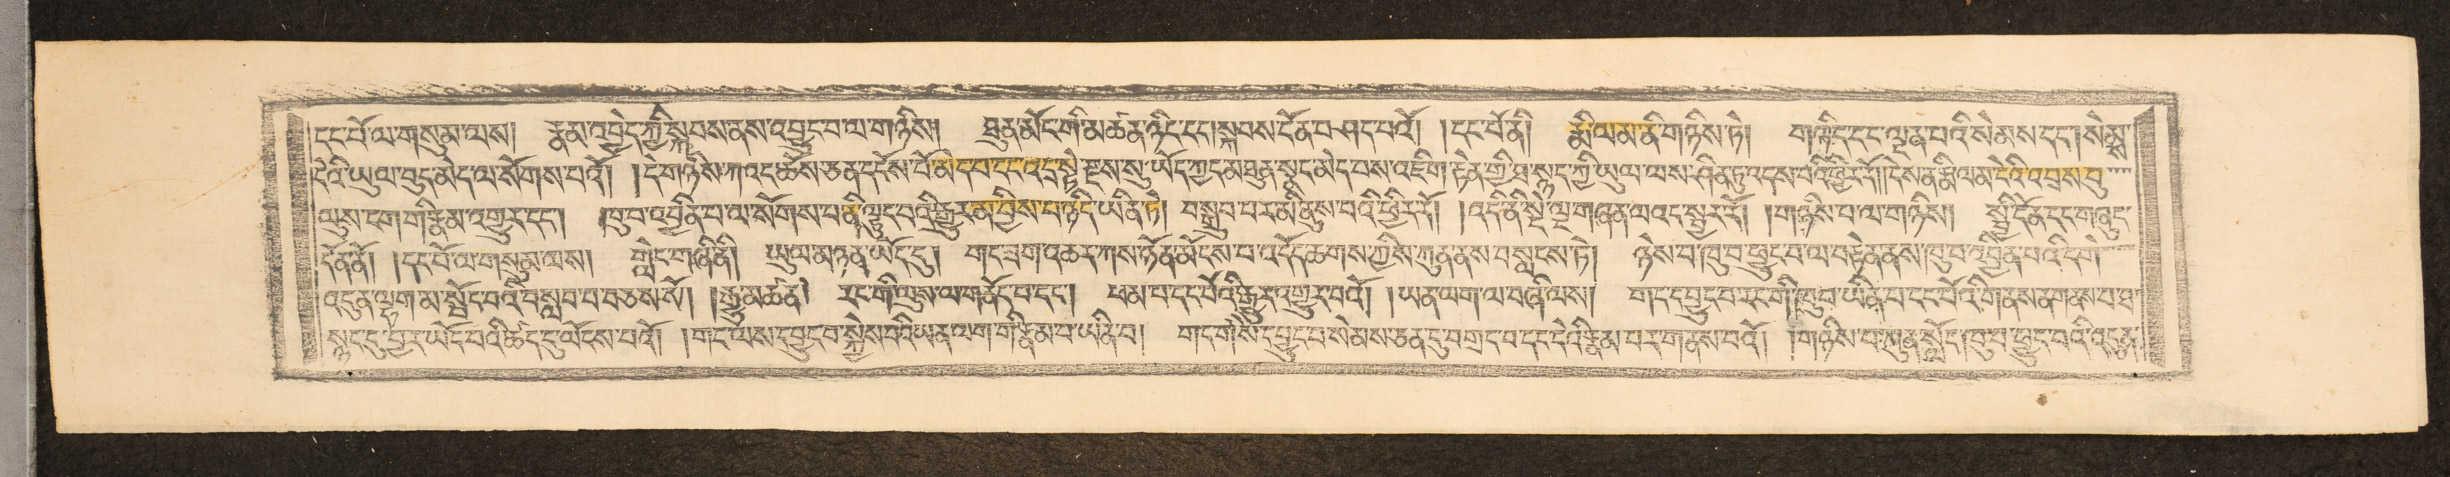དང་པོ་ལ་གསུམ་ལས། རྣམ་འབྱེད་ཀྱི་སྐབས་ནས་འབྱུང་བ་ལ་གཉིས། ཐུན་མོང་གི་མཚན་ཉིད་དང་། སྐབས་དོན་བཤད་པའོ། །དང་པོ་ནི། རྨི་ལམ་ནི་གཉིས་ཏེ། གཉིད་དང་ལྡན་པའི་སེམས་དང་། སེམས་
དེའི་ཡུལ་བུད་མེད་ལ་སོགས་པའོ། །དེ་གཉིས་ཀའང་ཆོས་ཅན་དངོས་པོ་མེད་པ་དང་འདྲ་སྟེ་རྫས་སུ་ཡོད་ཀྱང་མཐུན་སྣང་མེད་པས་འཇིག་རྟེན་གྱི་ཐ་སྙད་ཀྱི་ཡུལ་ལས་ཤིན་ཏུ་འདས་བའི་ཕྱིར་རོ། །དེས་ན་རྨི་ལམ་དེའི་འབྲས་བུ་
ལུས་ངག་གི་རྣམ་འགྱུར་དང་། ཁུ་བ་འབྱིན་པ་ལ་སོགས་པ་ནི་ལྟུང་བའི་རྒྱུར་མ་བྱས་པ་ཉིད་ཡིན་ཏེ། བསྒྲུབ་པར་མི་ནུས་པའི་ཕྱིར་རོ། །འདི་ནི་སྡེ་ལྔ་གཞན་ལའང་སྦྱར་རོ། །གཉིས་པ་ལ་གཉིས། སྤྱི་དོན་དང་གཞུང་
དོན་ནོ། །དང་པོ་ལ་གསུམ་ལས། གླེང་གཞི་ནི། ཡུལ་མཉན་ཡོད་དུ། གང་ཟག་འཆར་ཀས་ཉོན་མོངས་པ་འདོད་ཆགས་ཀྱིས་ཀུན་ནས་བསླངས་ཏེ། ཉེས་པ་ཁུ་བ་ཕྱུང་བ་ལ་བརྟེན་ནས་ཁུ་བ་འབྱིན་པའི་དགེ་
འདུན་ལྷག་མ་སྦོང་བའི་བསླབ་པ་བཅས་སོ། །རྒྱུ་མཚན། རང་གི་ལུས་ལ་གནོད་པ་དང་། ཕམ་པ་དང་པོའི་རྒྱུར་འགྱུར་བའོ། །ཡན་ལག་ལ་བཞི་ལས། གང་དབྱུང་བ་རང་གི་ཁུ་བ་ཡིན་པ་དང་པོའི་གནས་ན་གནས་པ་ཐ་
སྙད་དུ་བྱར་ཡོད་པའི་ཚད་དུ་ལོངས་པའོ། །གང་ལས་དབྱུང་བ་སྐྱེས་པའི་ཡན་ལག་གི་རྣམ་པ་ཡིན་པ། གང་གིས་དབྱུང་བ་སེམས་ཅན་དུ་བགྲང་བ་དང་དེའི་རྣམ་པར་གནས་པའོ། །གཉིས་པ་ཀུན་སློང་ཁུ་བ་ཕྱུང་བའི་འདུན་